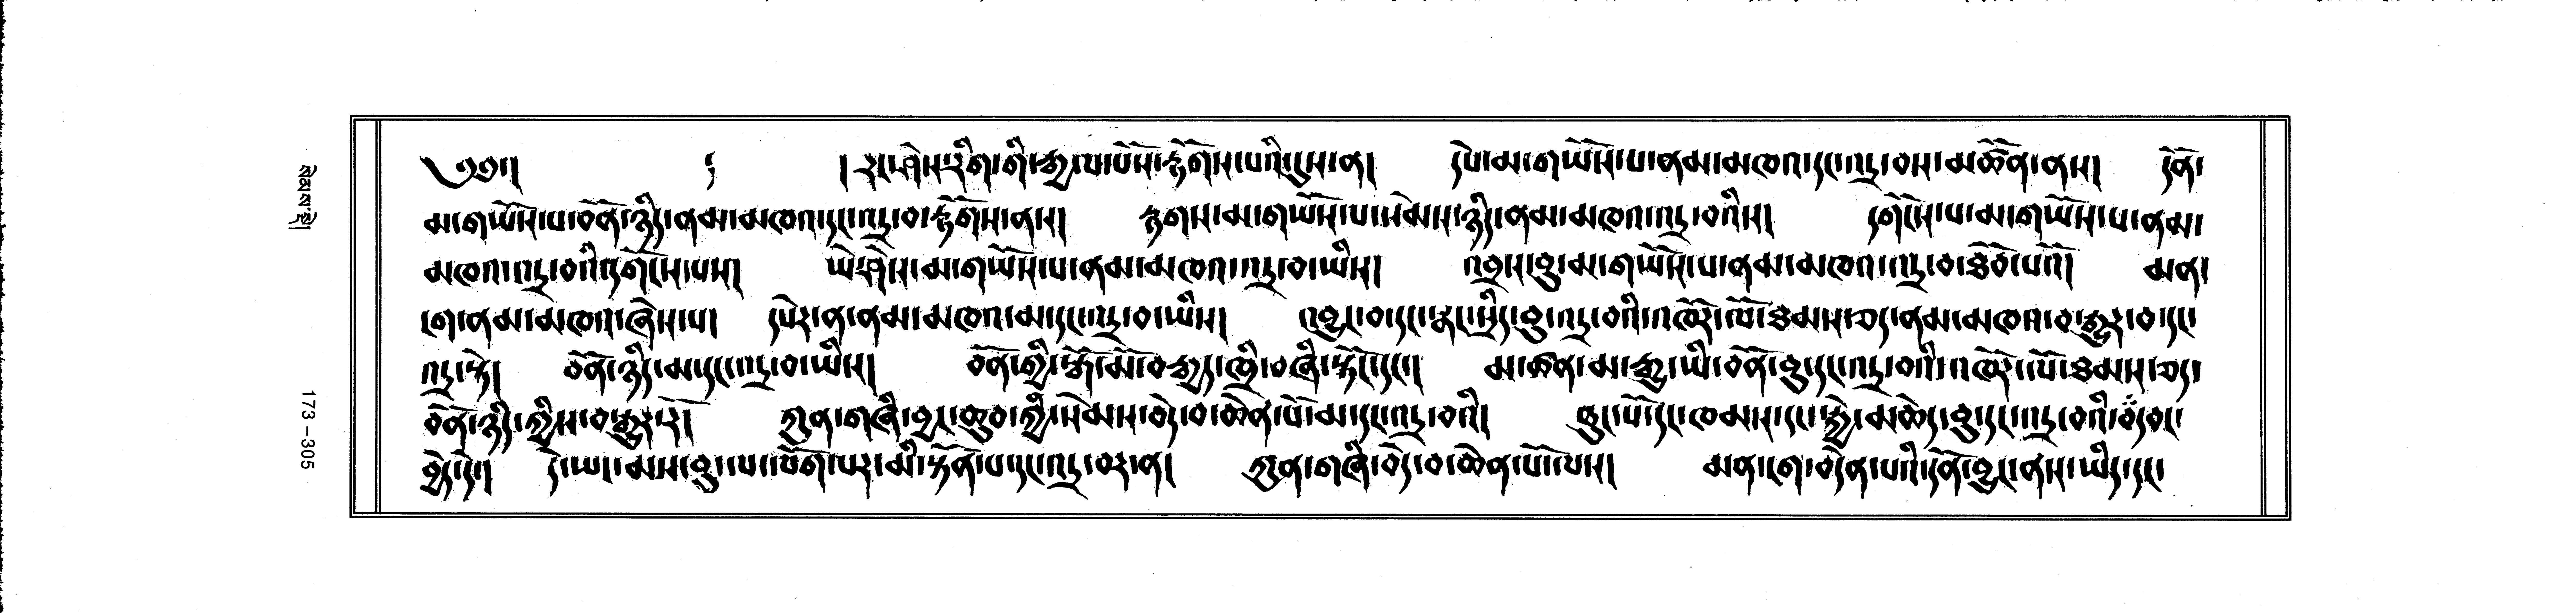རང་ཤེས་རིག་གི་རྒྱལ་པོས་རྟོགས་པའི་དུས་ན། དཔེ་མ་གཡོས་པ་ནམ་མཁའ་དང་འདྲ་བས་མཚོན་ནས། དོན་
མ་གཡོས་པ་བོན་ཉིད་ནམ་མཁའ་འདྲ་བ་རྟོགས་ནས། རྟགས་མ་གཡོས་པ་སེམས་ཉིད་ནམ་མཁའ་འདྲ་བ་ཡིས། དགོངས་པ་མ་གཡོས་པ་ནམ་
མཁའ་འདྲ་བའི་དགོངས་པས། ཡེ་ཤེས་མ་གཡོས་པ་ནམ་མཁའ་འདྲ་བ་ཡིས། འབྲས་བུ་གཡོས་པ་ནམ་མཁའ་འདྲ་བ་ཐོབ་པའོ། མན་
ངག་ནམ་མླའ་ཞེས་པ། དཔེར་ན་ནམ་མཁའ་མ་དང་འདྲ་བ་ཡིས། འབྱུང་བ་དང་སྣང་སྲིད་བུ་འདྲ་བའི་འཁོར་ལོ་ཐམས་ཅད་ནམ་མཁའ་བསྒྱུར་བ་དང་
འདྲ་སྟེ། བོན་ཉིད་མ་དང་འདྲ་བ་ཡིས། བོན་གྱི་སྒོ་མོ་བརྒྱད་ཁྲི་བཞི་སྟོང་དང་། མཚན་མ་རྒྱུ་ཡི་བོན་བུ་དང་འདྲ་བའི་འཁོར་ལོ་ཐམས་ཅད་
བོན་ཉིད་ཀྱིས་བསྒྱུར་རོ། །ཀུན་གཞི་བྱང་ཆུབ་ཀྱི་སེམས་བདེ་བ་ཆེན་པོ་མ་དང་འདྲ་བའི། ཕུང་པོ་དང་ཁམས་དང་སྐྱེ་མཆེད་བུ་དང་འདྲ་བའི་དབང་
བྱེད་དེ། དེ་ཡང་མས་བུ་ལ་ལོག་པར་མི་སྟོན་པ་དང་འདྲ་བར་ན། ཀུན་གཞི་བདེ་བ་ཆེན་པོ་ལས། མན་ངག་བདེན་པའི་དོན་བྱུང་ནས་ཡིད་དང་